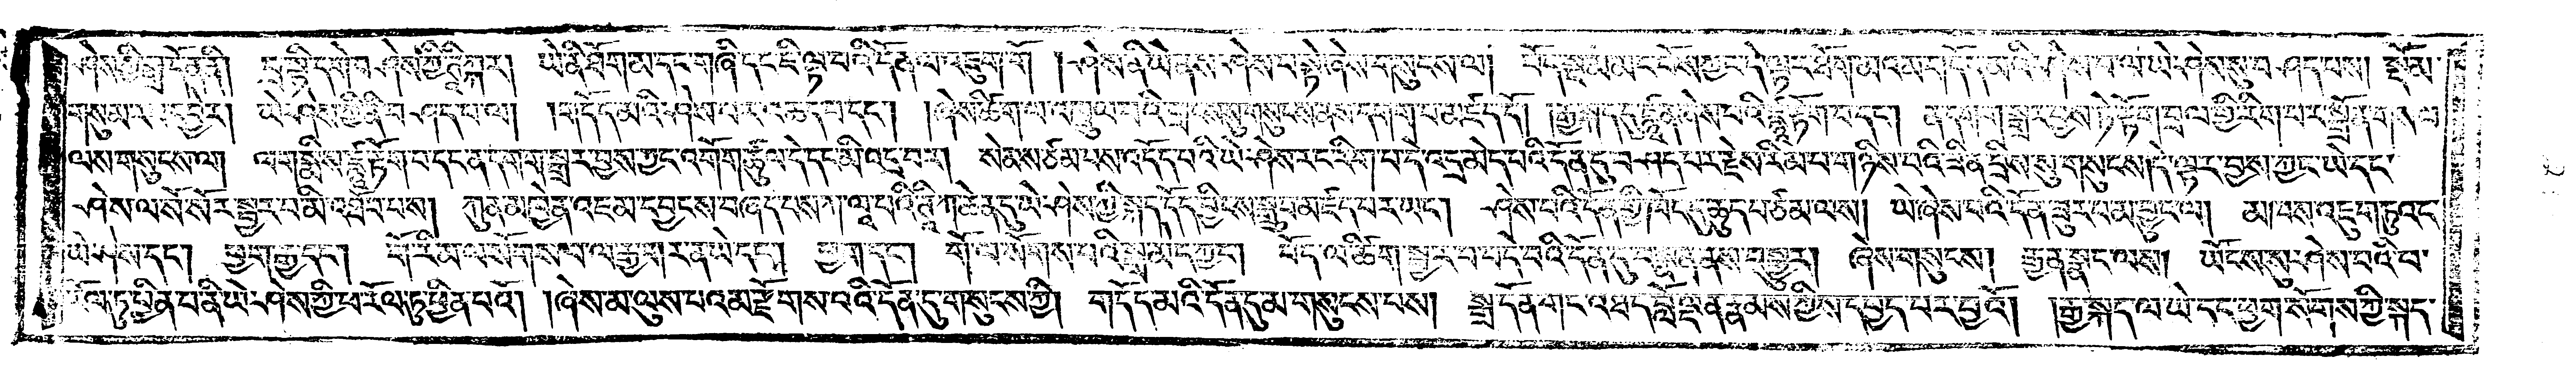ཤེས་ཀྱི་སྒྲ་དོན་ནི། བྲ་སྟི་དགེ་བཤེས་ཀྱི་ཊཱིཀྐར། ཡེ་ནི་ཐོག་མ་དང་གཞི་དང་ཇི་ལྟ་བའི་དོན་ལ་འཇུག་གོ །ཤེས་ནི་ཡེ་ནས་ཤེས་པ་སྟེ་ཞེས་གསུངས་ལ། བོད་སྔ་མ་མང་པོས་ཀྱང་དེ་ལྟར་ཐོག་མའམ་གདོད་མའི་ཤེས་པ་ལ་ཡེ་ཤེས་སུ་བཤད་པས། སྔོན་
གསུམ་རབ་དབྱེར། ཡེ་ཤེས་ཀྱི་ནི་བཤད་པ་ལ། །གདོད་མའི་ཤེས་པར་འཆད་པ་དང་། །ཞེས་ཚིག་ལ་འཁྲུལ་བའི་གྲངས་སུ་གསུངས་ནས་དགག་པ་མཛད་དོ། །རྒྱ་ཤད་དུ་ཛྙཱ་ན་ཞེས་པའི་ཛྙཱ་རྟོག་པ་དང་། ན་དགག་སྒྲར་བྱས་ཏེ་རྟོག་བྲལ་གྱི་རིག་པར་སྒྲོན་གསལ་
ལས་གསུངས་ལ། ལག་སྨིས་ཛྙཱ་རྟོག་པ་དང་ན་དགག་སྒྲར་བྱས་ཀྱང་འགོག་ཚུལ་དེ་དང་མི་འདྲ་བར། སེམས་ཙམ་པས་འདོད་པའི་ཡེ་ཤེས་རང་རིག་པ་དེ་འདྲ་མེད་པའི་དོན་དུ་བཤད་པར་རྗེས་རིམ་པ་གཉིས་པའི་ཟིན་བྲིས་སུ་གསུངས་ཏེ། དེ་ལྟར་བྱས་ཀྱང་ཡེ་དང་
ཤེས་ལ་སོ་སོར་སྦྱར་བ་མི་འཐོབ་པས། ཀུན་མཁྱེན་འཇམ་དབྱངས་བཞད་པས་ཀ་ཊཱིཀ་ཆེན་དུ་ཡེ་ཤེས་ཀྱི་སྐད་དོད་བྱིངས་སྒྲུབ་མཛད་པར་ཡང་། ཤེས་པའི་དོན་གྱི་ཁོང་དུ་ཆུད་པ་ཙམ་ལས། ཡེ་ཤེས་པའི་དོན་ཟུར་བ་མ་བྱུང་ལ། མཁས་འཇུག་ཏུའང་
ཡེ་ཤེས་དང་། ཕྱག་རྒྱ་དང་། གོ་རིམ་ལ་སོགས་བ་ལ་རྒྱ་གར་ན་ཡེ་དང་། ཕྱག་དང་། གོ་ལ་སོགས་པའི་སྒྲ་མེད་ཀྱང་། བོད་ལ་ཚིག་སྦྱར་བ་བདེ་བའི་དོན་དུ་བསྣན་ནས་བསྒྱུར། ཞེས་གསུངས། རྒྱན་སྣང་ལས། ཡོངས་སུ་ཤེས་བའི་བ་
རོལ་ཏུ་བྱིན་བ་ནི་ཡེ་ཤེས་ཀྱི་ཕ་རོལ་ཏུ་ཕྱིན་པའོ། །ཞེས་མ་ལུས་པའམ་རྫོགས་བའི་དོན་དུ་གསུངས་ཀྱི། གདོད་མའི་དོན་དུ་མ་གསུངས་པས། སྒྲ་དོན་གང་འཐད་བློ་ལྡན་རྣམས་ཀྱིས་དཔྱད་བར་བྱའོ། །རྒྱ་སྐད་ལ་ཡི་དང་ཕྱག་སོགས་ཀྱི་སྐད་